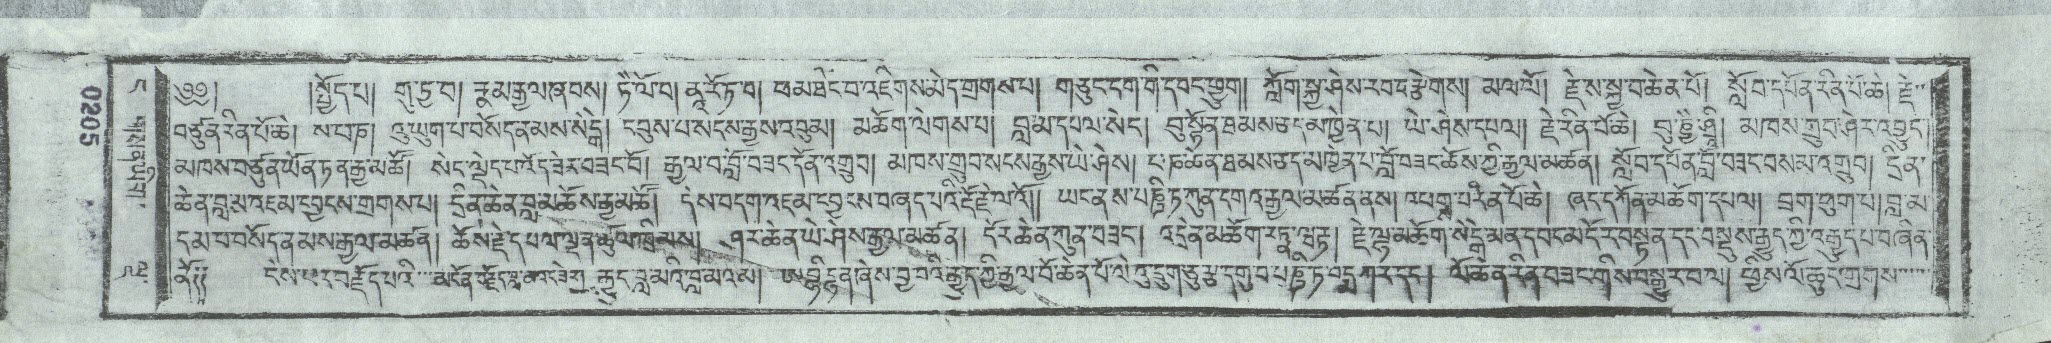༄༅། །སྤྱོད་པ། གུ་ཏྱ་བ། རྣམ་རྒྱལ་ཞབས། ཏཻ་ལོ་བ། ནཱ་རོ་ཏ་བ། ཕ་མ་ཐིང་བ་འཇིགས་མེད་གྲགས་པ། གཅུང་ངག་གི་དབང་ཕྱུག། ཀློག་སྐྱ་ཤེས་རབ་བརྩེགས། མལ་ལོ། རྗེ་ས་སྐྱ་བ་ཆེན་པོ། སློབ་དཔོན་རིན་པོ་ཆེ། རྗེ་
བཙུན་རིན་པོ་ཆེ། ས་པཎ། འུ་ཡུག་པ་བསོད་ནམས་སེངྒེ། དབུས་པ་སངས་རྒྱས་འབུམ། མཆོག་ལེགས་པ། བླ་མ་དཔལ་སེང་། བུ་སྟོན་ཐམས་ཅད་མཁྱེན་པ། ཡེ་ཤེས་དཔལ། རྗེ་རིན་པོ་ཆེ། བུ་ཎྱཻ་ཤྲཱི། མཁས་གྲུབ་ཤེར་འབྱུང་
མཁས་བཙུན་ཡོན་ཏན་རྒྱ་མཚོ། སེང་ལྡེང་པ་འོད་ཟེར་བཟང་བོ། རྒྱལ་བ་བློ་བཟང་དོན་འགྲུབ། མཁས་གྲུབ་སངས་རྒྱས་ཡེ་ཤེས། པཎ་ཆེན་ཐམས་ཅད་མཁྱེན་པ་བློ་བཟང་ཆོས་ཀྱི་རྒྱལ་མཚན། སློབ་དཔོན་བློ་བཟང་བསམ་འགྲུབ། དྲིན་
ཆེན་བླ་མ་འཇམ་དབྱངས་གྲགས་པ། དྲིན་ཆེན་བླ་མ་ཆོས་རྒྱ་མཚོ། དེས་བདག་འཇམ་དབྱངས་བཞད་པའི་རྡོ་རྗེ་ལའོ། ཡང་ནས་པཎྜི་ཏ་ཀུན་དགའ་རྒྱལ་མཚན་ནས། འཕགས་པ་རིན་པོ་ཆེ། ཞད་དཀོན་མཆོག་དཔལ། བྲག་ཕུག་པ། བླ་མ་
དམ་པ་བསོད་ནམས་རྒྱལ་མཚན། ཆོས་རྗེ་དཔལ་ལྡན་ཚུལ་ཁྲིམས། ཤར་ཆེན་ཡེ་ཤེས་རྒྱལ་མཚན། དོར་ཆེན་ཀུན་བཟང་། འདྲེན་མཆོག་རཏྣ་ཝརྟ། རྗེ་ལྷ་མཆོག་སེངྒེ་མན་དབང་མདོར་བསྟན་དང་བསྡུས་རྒྱུད་ཀྱི་འྲྒྱུད་པ་བཞིན་
ནོ༑༑ ངེས་པར་བརྗོད་པའི་མངོན་བརྗོད་བླ་མའང་ཟེར་རྒྱུད་བླ་མའི་བླ་མའམ། ཨབྷི་བྷན་ཞེས་བྱ་བའི་རྒྱུད་ཀྱི་རྒྱལ་བོ་ཆེན་པོ་ལེའུ་དྲུག་ཅུ་རྩ་དགུ་བ་པཎྜི་ཏ་པདམ་ཀར་དང་། ལོ་ཆེན་རིན་བཟང་གིས་བསྒྱུར་བའི། ཕྱིས་ལོ་ཆུང་གྲགས་